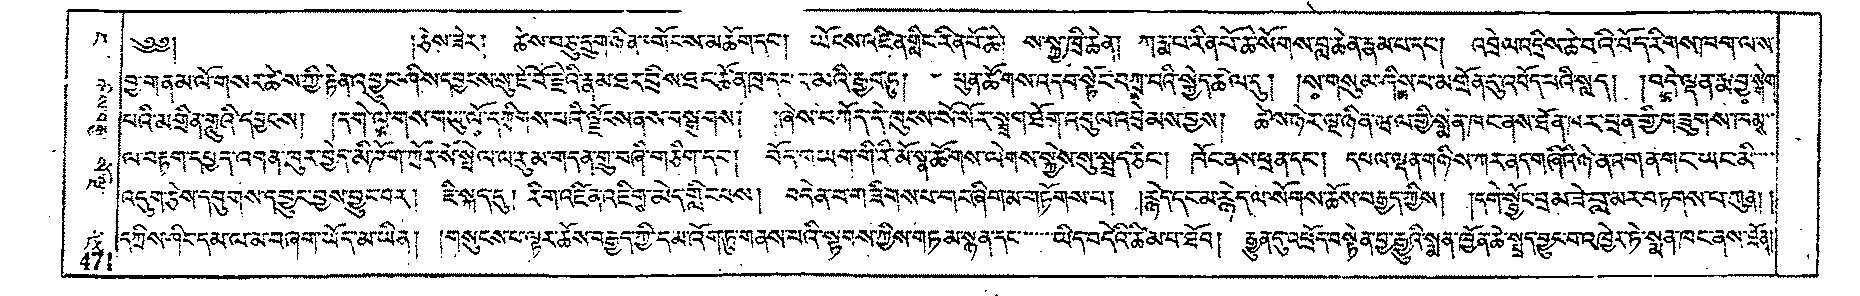༄༅། །ཅེས་ཟེར། ཚེས་བཅུ་དྲུག་ཉིན་༧གོང་ས་མཆོག་དང་། ཡོངས་འཛིན་གླིང་རིན་པོ་ཆེ། ས་སྐྱ་ཁྲི་ཆེན། ཀརྨ་པ་རིན་པོ་ཆེ་སོགས་བླ་ཆེན་རྣམ་པ་དང་། འབྲེལ་འདྲིས་ཆེ་བའི་བོད་རིགས་ཁག་ལ་ས་
བྱ་གནམ་ལོ་གསར་ཚེས་ཀྱི་རྟེན་འབྱུང་ཤིས་དབྱངས་སུ་ཇོ་བོ་རྗེའི་རྣམ་ཐར་བྲིས་ཐང་ཚོན་ཁྲ་དཔར་མའི་རྒྱབ་ཏུ། ༧ཕུན་ཚོགས་འདབ་སྟོང་བཀྲ་བའི་སྐྱེད་ཚལ་དུ། །ས྾་གསུམ་ཤིས~྾་པ་མགྲོན་དུ་འབོད་པའི་སླད། །བདེ~྾་ལྡན་རྨ་བྱ྾་སྒེག་
པའི་མགྲིན་གླུའི་དབྱངས། །དགེ་ལེགས~྾་གཡུ་ལོ་དཀྲིགས་པའི་ལྗོངས་ནས་བསྒྲགས། །ཞེས་བཀོད་དེ་ཁུངས་སོ་སོར་སྦྲག་ཐོག་འབུལ་འགྲེམས་བྱས། ཚེས་ཉེར་ལྔ་ཉིན་ཝལ་གྱི་སྨན་ཁང་ནས་ཐོན་ཁར་ཕྲན་གྱི་གཟུགས་ཁམས་
ལ་བརྟགས་དཔྱད་འགན་ཁུར་བྱེད་མི་ཌོག་ཀྲོར་སོ་སྤེལ་ལ་རུམ་གདན་གྲུ་བཞི་གཅིག་དང་། བོད་གཡག་གི་རི་མོ་སྣ་ཚོགས་ལེགས་སྐྱེས་སུ་སྤྲད་ཅིང་། ཁོང་ནས་ཕྲན་དང་། དཔལ་ལྡན་གཉིས་ཀར་ནད་གཞིའི་ཉེན་འགན་གང་ཡང་མི་
འདུག་ཅེས་དབུགས་དབྱུང་བྱས་བྱུང་བར། ཇི་སྐད་དུ། རིག་འཛིན་འཇིགས་མེད་གླིང་པས། བདེན་པ་གཟིགས་པ་གང་ཞིག་མ་གཏོགས་པ། །རྙེད་དང་མ་རྙེད་ལ་སོགས་ཆོས་བརྒྱད་ཀྱིས། །དགེ་སྦྱོང་བྲམ་ཟེ་བླ་མར་བཏགས་པ་ཀུན། །
དཀྲིས་ཤིང་དམ་ལ་མ་བཞག་ཡོད་མ་ཡིན། །གསུངས་པ་ལྟར་ཆོས་བརྒྱད་ཀྱི་དམ་འོག་ཏུ་གནས་པའི་སྟབས་ཀྱིས་གཏམ་སྙན་དང་ཡིད་བདེའི་ཚིམ་པ་ཐོབ། རྒྱུན་དུ་འཕྲོད་བསྟེན་བྱ་རྒྱུའི་སྨན་ཁྱོན་ཆེ་སྤྲད་བྱུང་བ་འཁྱེར་ཏེ་སྨན་ཁང་ནས་ཐོན།